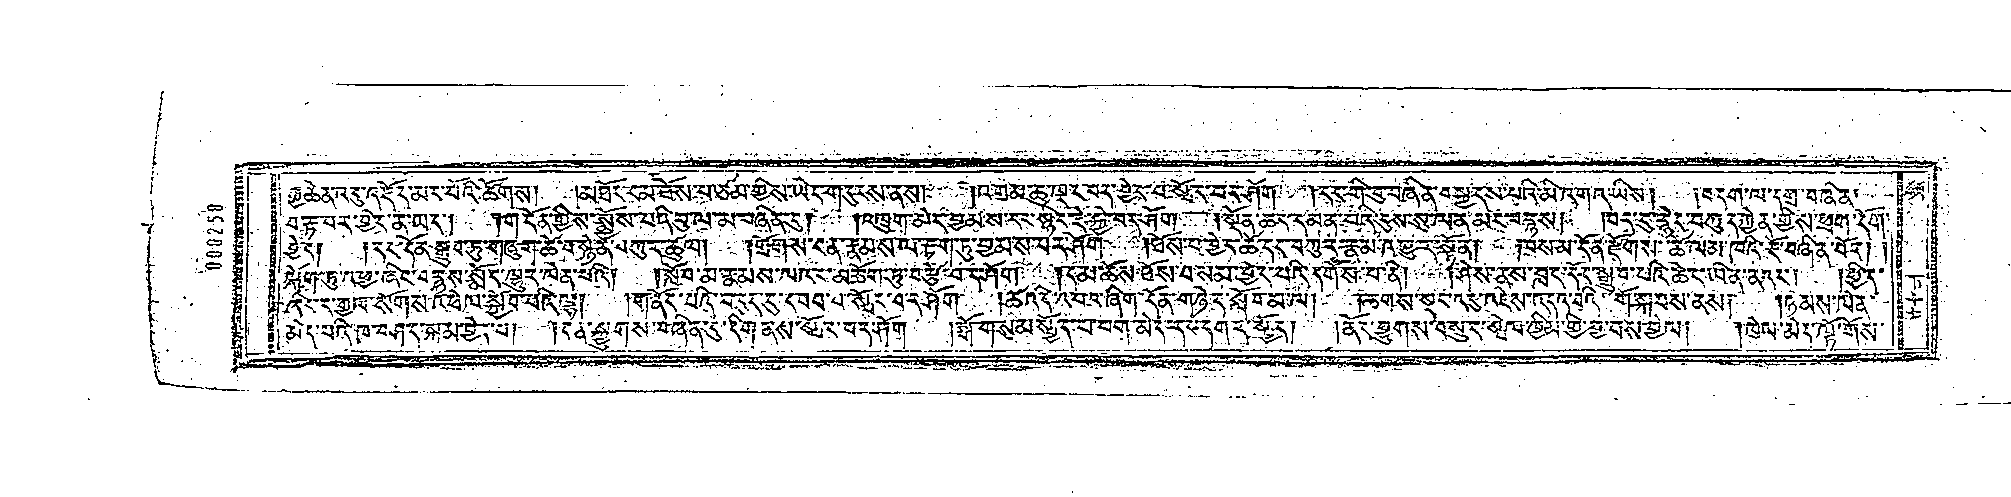རྒྱ་ཆེན་འདུ་འཇོད་མང་པོའི་ཚོགས། །མཐོང་དམ་ཐོས་པ་ཙམ་གྱིས་ཡིད་གདུངས་ནས། །འགྲམ་ཆུ་ལྡང་བར་བྱེད་པ་སྤོང་བར་ཤོག །རང་གི་བུ་བཞིན་བསྐྱངས་པའི་མི་འགའ་ཡིས། །བདག་ལ་དགྲ་བཞིན་
བརྟ་བར་བྱེད་ན་ཡང་། །གདོན་གྱིས་སྨྱོས་པའི་བུ་ལ་མ་བཞིན་དུ། །འཁྲུག་མེད་བྱམས་དང་སྙིང་རྗེ་སྐྱེ་བར་ཤོག །སྔོན་ཆད་དམན་པའི་དུས་སུ་ལན་མང་བརྙས། །བར་དུ་རྙེད་བཀུར་ཀྱེན་གྱིས་ཕྲག་དོག་
བྱེད། །རང་དོན་སྒྲུབ་ཏུ་གཞུག་ཚེ་བསྙེན་བཀུར་ཚུལ། །གྲོགས་ངན་རྣམས་ལ་རྟག་ཏུ་བྱམས་པར་ཤོག །ཐོས་པ་བྱེད་ཚེ་དང་བཀུར་རྣམ་འགྱུར་སྟོན། །བསམ་དོན་རྫོགས་ཚེ་ལམ་ཁའི་རྡོ་བཞིན་བོར། །
ལྐོག་ཏུ་འཕྱ་ཞིང་བརྙས་སྨོད་ལྟུར་ལེན་པའི། །སློབ་མ་རྣམས་ལའང་མཆོག་ཏུ་བརྩེ་བར་ཤོག །དམ་ཆོས་ཐོས་བསམ་བྱེད་པའི་དགོས་པ་ནི། །ཤེས་ནས་བླང་དོར་སྒྲུབ་པའི་ཆེད་ཡིན་ནའང་། །ཕྱིར་
ཞིང་ང་རྒྱལ་སོགས་འཕེལ་སྐྱོབ་པའི་ལྷ། །གནོད་པའི་བདུད་དུ་དབབ་པ་སྤོང་བར་ཤོག །ཚེ་འདི་འབའ་ཞིག་དོན་གཉེར་སློབ་མ་ལ། །ཆགས་སྡང་འདུ་འཇེས་འདའ་བའི་གོ་སྐབས་ནས། །ཉམས་ལེན་
མེད་པའི་ཁ་བཤད་སྐམ་བྱེད་པ། །དན་སྐྱུགས་བཞིན་དུ་རིག་ནས་སྤོང་བར་ཤོག །སྒོ་གསུམ་སྤྱོད་པ་བག་མེད་རང་དགའ་སྤྱོད། །ནོར་ཕྱུགས་བསྲུང་སྤེལ་ཁྱིམ་གྱི་བྱ་བས་བྱལ། །ཁྲེལ་མེད་ལྟོ་གོས་